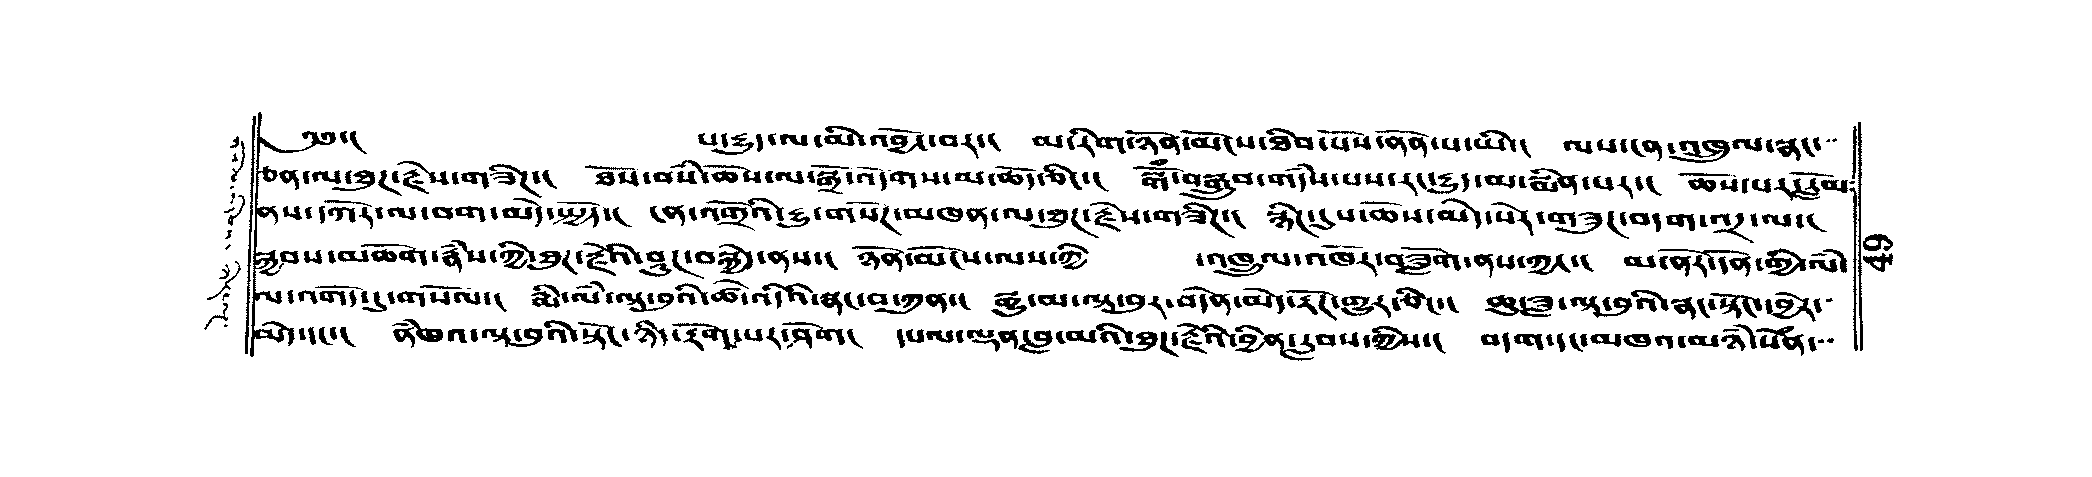པ་རྒྱུད་ལ་མི་འབྱོང་བར། །མ་རིག་ཉོན་མོངས་ཐིབ་པོས་ནོན་པ་ཡི། །ལས་ངན་འཁྲུལ་སྣང་
ཅན་ལ་ཐུགས་རྗེས་གཟིགས། །ཐོས་བསམ་ཆོས་ལ་སྒྲོ་འདོགས་མ་ཆོད་ཅིང་། །སྒོམ་སྒྲུབ་གདམས་པས་རང་རྒྱུད་མ་སྨིན་པར། །ཆོས་པར་རློམ་
ནས་དཀོར་ལ་བག་མེད་སྤྱོད། །ངན་འགྲོའི་རྒྱུ་གསོག་མཁན་ལ་ཐུགས་རྗེས་གཟིགས། །སྙིགས་དུས་ཆོས་མེད་སེར་གཟུགས་བདག་འདྲ་ལ། །
སྐྱབས་མཆོག་རྣམས་ཀྱི་ཐུགས་རྗེའི་ཤུགས་བསྐྱེད་ནས། །ཉོན་མོངས་ལས་ཀྱི་འཁྲུལ་འཁོར་བཟློག་ནས་ཀྱང་། །མ་ནོར་དོན་གྱི་ལམ་
ལ་འགོད་དུ་གསོལ། །རྨི་ལམ་ལྟ་བུའི་ཚེ་འདིའི་སྣང་བ་ཀུན། །སྒྱུ་མ་ལྟ་བུར་བདེན་མེད་རྟོགས་གྱུར་ཅིང་། །ཆུ་ཟླ་ལྟ་བུའི་སྣང་སྟོང་དབྱེར་
མེད་དང་། །ནམ་མཁའ་ལྟ་བུའི་སྟོང་ཉིད་རྟོགས་པར་ཤོག །དཔལ་ལྡན་བླ་མའི་ཐུགས་རྗེའི་བྱིན་རླབས་ཀྱིས། །བདག་དང་མཁའ་མཉམ་སེམས་ཅན་